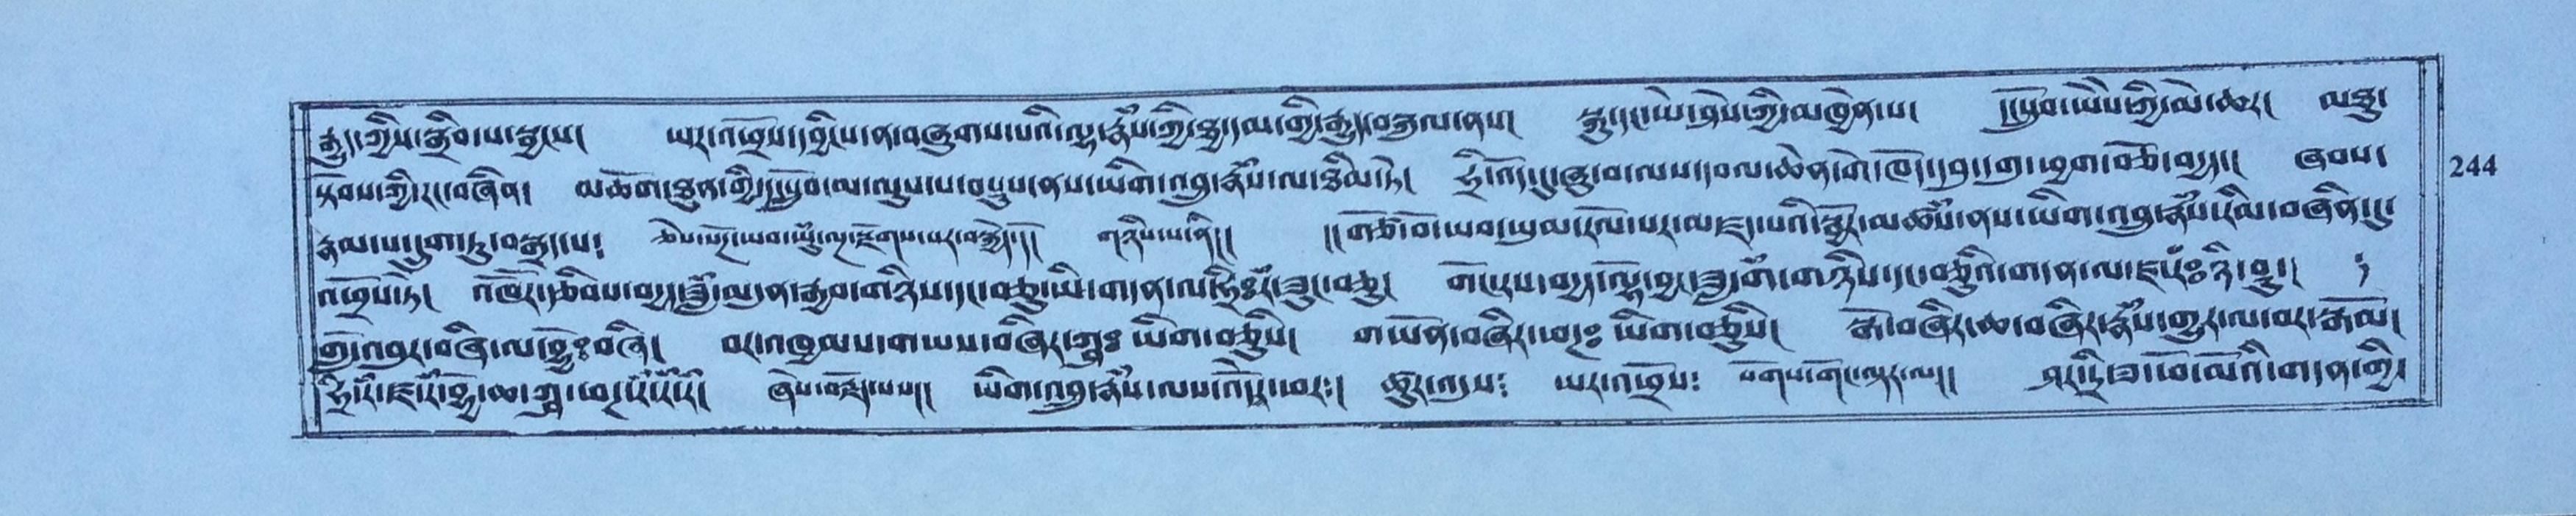.4]རྒྱུད་ཀྱིས་སྒྲིབ་པ་སྦྱང་།། ཡར་འཕྲོས་དབྱིངས་ན་བཞུགས་པའི་ལྷ་རྣམས་ཀྱི་ཐུགས་དམ་ཀྱི་རྒྱུད་བསྐུལ་ནས། སྐུ་དང་ཡེ་ཤེས་ཀྱི་མཁྱེན་པར། དངོས་གྲུབ་ཡེ་ཤེས་ཀྱི་མེ་ཆར། མཐུ་
སྟོབས་བྱིན་རླབས་ཀྱི་རང་བཞིན། མཆོག་ཐུན་གྱི་དངོས་གྲུབ་མ་ལུས་པ་བསྡུས་ནས་ཡིག་འབྲུ་རྣམས་ལ་ཐིམ་ཏེ། ཧྲི་འོད་དུ་ཞུ་བ་ལས་དབལ་ཆེན་གེ་ཁོད་དབུ་དགུ་ཕྱག་བཅོ་བརྒྱད་པ། ཞབས་
རྣམ་པ་དྲུག་ཏུ་བགྲད་པ། ཅེས་སོགས་ཡབ་ཡུམ་ལྔ་རྫོགས་པར་གོང་ལྟར་བསྐྱེད་དོ། གཉིས་པ་ནི།། གཙོ་བོ་ཡབ་ཡུམ་རོལ་པ་མཛད་པའི་སྦྱོར་འཚམས་ནས་ཡིག་འབྲུ་རྣམས་རིམ་བཞིན་དུ་
འཕྲོས་ཏེ། འཁོར་ལོ་རྩིབས་བརྒྱད་ཟླ་གམ་མདུན་རྒྱབ་གཉིས་དང་བཅུའི་གདན་ལ་ཧྲི་རཾཿཟུང་བཅུ། གོང་རས་བརྒྱད་ལྷོ་བྱང་ཟླ་གམ་གཉིས་དང་བཅུའི་གདན་ལ་ཛ་རཾཿཉི་ཤུ། 
གློ་འབུར་བཞི་ལ་བྷྱོཿབཞི། བར་ཁྱམས་གཡས་བཞིར་ཀྴཿཡིག་བཅུ་གཉིས། གཡོན་བཞིར་ཕཊཿཡིག་བཅུ་གཉིས། སྒོ་བཞིར་ཆ་བཞི་རྣམས་སུ་གྱུར་བར་བསྒོམ།། 
ཧྲི་རཾ་ཛ་རཾ་བྷྱོ་ཆ་ཀྴ་ཕཊ་རཾ་རཾ་རཾ། ཞེས་བརྗོད་པས།། ཡིག་འབྲུ་རྣམས་ལས་འོད་ཟེར་ཕར༴ ཚུར་འདུས༴ ཡར་འཕྲོས༴ སོགས་གོང་ལྟར་ལ།། ཤར་དྲི་ཟ་ཕོ་མོའི་གདན་སྟེང་གི་